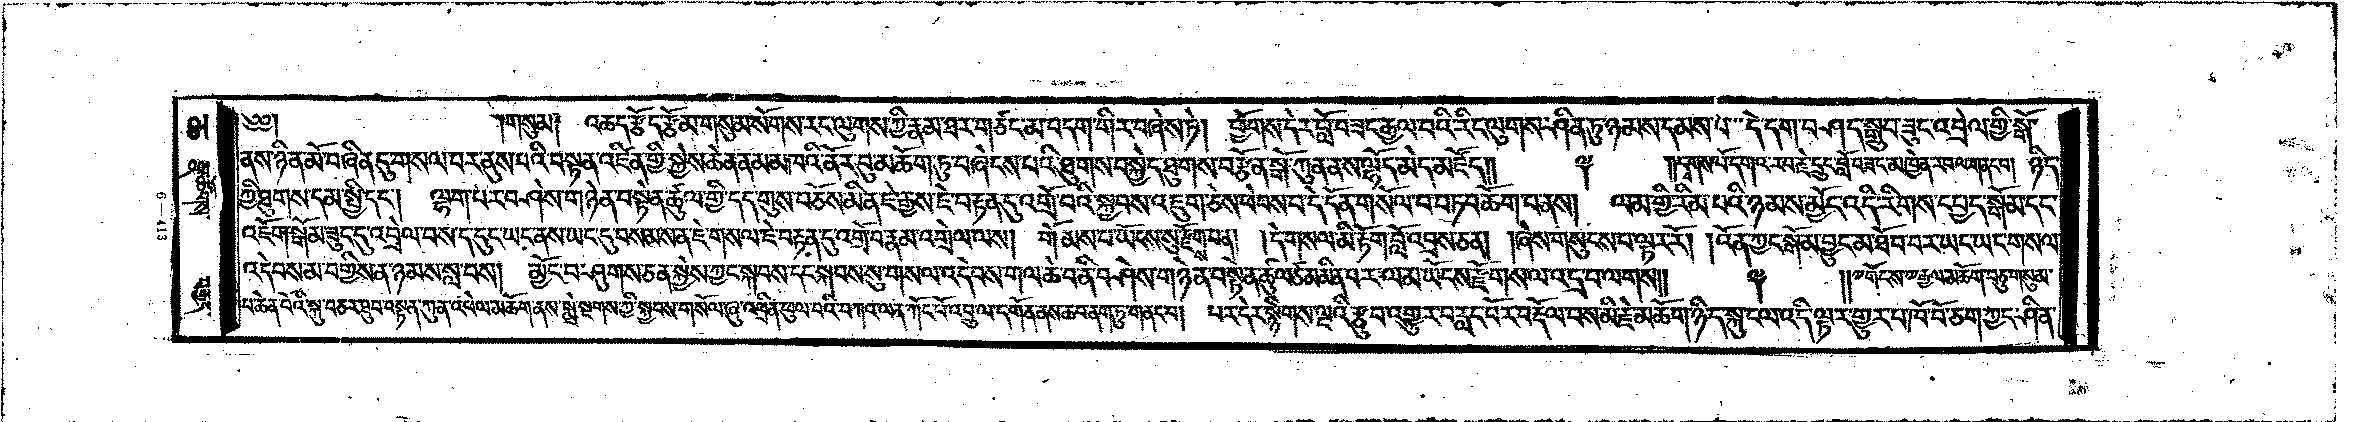༄༅། །གསུམ༑ འཆད་རྩོད་རྩོམ་གསུམ་སོགས་རང་ལུགས་ཀྱི་རྣམ་ཐར་གཙང་མ་བདག་གིར་བཞེས་ཏེ། ཕྱོགས་དེར་བློ་བཟང་རྒྱལ་བའི་རིང་ལུགས་ཤིན་ཏུ་ཉམས་དམས་པ་དེ་དག་བཤད་སྒྲུབ་ཟུང་འབྲེལ་གྱི་སྒོ་
ནས་ཉིན་མོ་བཞིན་དུ་གསལ་བར་ནུས་པའི་བསྟན་འཛིན་གྱི་སྐྱེས་ཆེན་ནམ་མཁའི་ནོར་བུ་མཆོག་ཏུ་བཞེངས་པའི་ཐུགས་བསྐྱེད་ཐུགས་བརྩོན་སྒོ་ཀུན་ནས་ལྷོད་མེད་མཛོད།། ༈ །།དྭགས་པོ་དགའ་རབ་རྗེ་དྲུང་བློ་བཟང་མཁྱེན་རབ་ལ་གནང་བ།  ཉིད་
ཀྱི་ཐུགས་དམ་སྤྱི་དང་། ལྷག་པར་བཤེས་གཉེན་བསྟེན་ཚུལ་གྱི་དད་གུས་བཅོས་མིན་ཇེ་རྒྱས་ཇེ་བརྟན་དུ་འགྲོ་བའི་སྐྱབས་འཇུག་ཅེས་ཕེབས་བ་དེ་དོན་གསོལ་བ་བཏབ་ཆོག་བ་ནས། ལམ་གྱི་རིམ་པའི་ཉམས་མྱོང་འདི་རིགས་དཔྱད་སྒོམ་དང་
འཇོག་སྒོམ་ཟུང་དུ་འབྲེལ་བས་ད་དུང་ཡང་ནས་ཡང་དུ་བསམས་ན་ཇེ་གསལ་ཇེ་བརྟན་དུ་འགྲོ་བ་རྣམ་འགྲེལ་ལས། གོམས་པ་ཡོངས་སུ་རྫོགས་པ་ན། །དེ་གསལ་མི་རྟོག་བློ་འབྲས་ཅན། །ཞེས་གསུངས་པ་ལྟར་རོ། །འོན་ཀྱང་སྒོམ་བྱུང་མ་ཐོབ་བར་ཡང་ཡང་གསལ་
འདེབས་མ་བགྱིས་ན་ཉམས་སླ་བས། མྱོང་བ་ཤུགས་ཅན་སྐྱེས་ཀྱང་སྐབས་དང་སྐབས་སུ་གསལ་འདེབས་གལ་ཆེ་བ་ནི་བཤེས་གཉེན་བསྟེན་ཚུལ་ཙམ་མིན་པར་ལམ་ཡོངས་རྫོགས་འདྲ་བ་ལགས།། ༈ །།༧གོང་ས ༧རྒྱལ་མཆྒོ་བཅུ་གསུམ་
པ་ཆེན་པོའི་སྐུ་བཅར་ཐུབ་བསྟན་ཀུན་འཕེལ་མཆོག་ནས་སྨྲེ་སྔགས་ཀྱི་སྐྱབས་གསོལ་ཞུ་འཕྲིན་ཕུལ་བའི་བཀའ་ལན་ཀོང་པོ་འབྲུ་ལ་དགོན་ནས་ཆབ་ནག་ཏུ་གནང་བ། པར་དེར་སྙིགས་ལྔའི་རྩུབ་འགྱུར་བརླང་པོར་བརྡོལ་བས་མི་རྗེ་མཆོག་ཉིད་སྐུ་ངལ་འདི་ལྟར་གྱུར་བ་ཁོ་བོ་ཅག་ཀྱང་ཤིན་